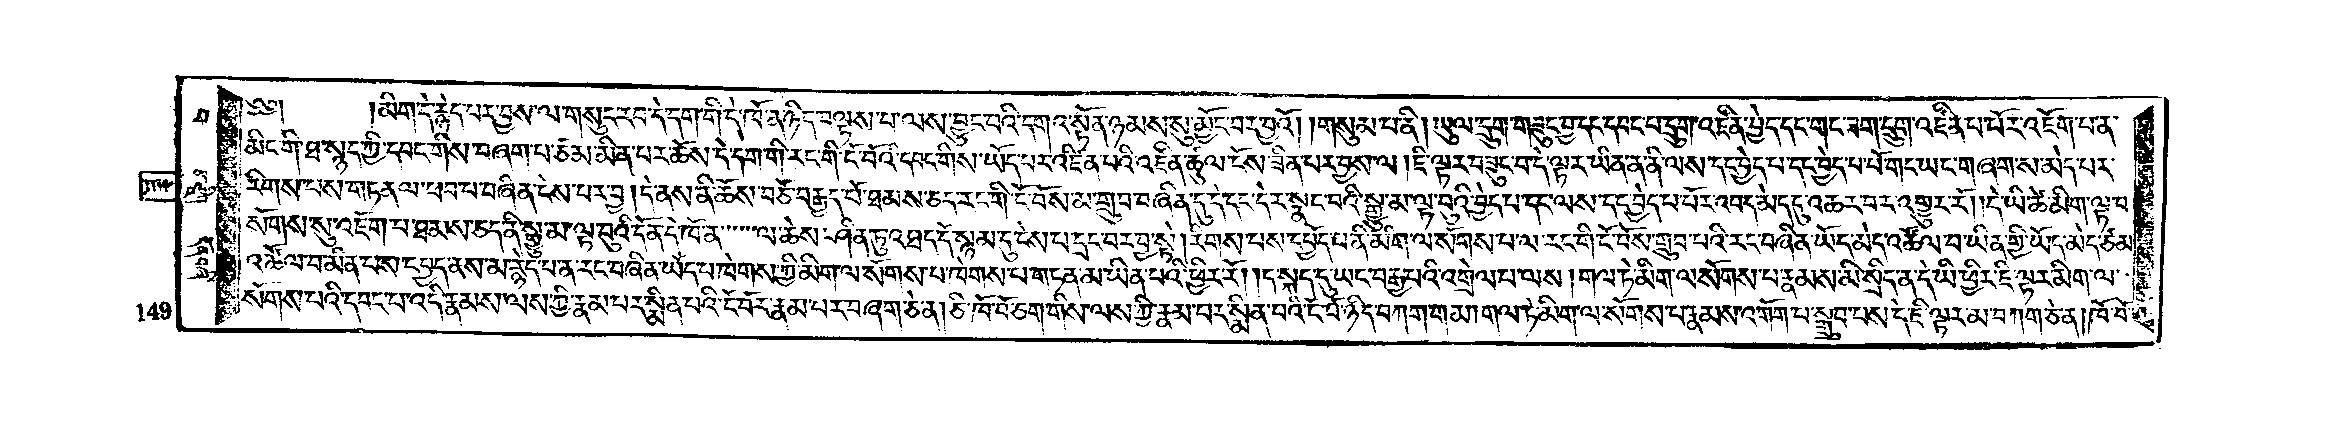༄༅། །མིག་དེ་རྙེད་པར་བྱས་ལ་གསུང་རབ་དེ་དག་གི་དེ་ཁོ་ན་ཉིད་བལྟས་པ་ལས་བྱུང་བའི་དགའ་སྟོན་ཉམས་སུ་མྱོང་བར་བྱའོ། །གསུམ་པ་ནི། ཡུལ་དྲུག་གཟུང་བྱ་དང་དབང་པ་དྲུག་འཛིན་བྱེད་དང་གང་ཟག་དྲུག་འཛིན་པ་པོར་འཇོག་པ་ན་
མིང་གི་ཐ་སྙད་ཀྱི་དབང་གིས་བཞག་པ་ཙམ་མིན་པར་ཆོས་དེ་དག་གི་རང་གི་ངོ་བོའི་དབང་གིས་ཡོད་པར་འཛིན་པའི་འཛིན་ཚུལ་ངོས་ཟིན་པར་བྱས་ལ། ཇི་ལྟར་བཟུང་བ་དེ་ལྟར་ཡིན་ན་ནི་ལས་དང་བྱེད་པ་དང་བྱེད་པ་པོ་གང་ཡང་གཞག་ས་མེད་པར་
རིགས་པས་གཏན་ལ་ཕབ་པ་བཞིན་ངེས་པར་བྱ། དེ་ནས་ནི་ཆོས་བཅོ་བརྒྱད་པོ་ཐམས་ཅད་རང་གི་ངོ་བོས་མ་གྲུབ་བཞིན་དུ་དེ་དང་དེར་སྣང་བའི་སྒྱུ་མ་ལྟ་བུའི་བྱེད་པ་དང་ལས་དང་བྱེད་པ་པོར་འབད་མེད་དུ་འཆར་བར་འགྱུར་རོ། །དེ་ཡི་ཚེ་མིག་ལྟ་བ་
སོགས་སུ་འཇོག་པ་ཐམས་ཅད་ནི་སྒྱུ་མ་ལྟ་བུའི་དོན་དེ་ཁོ་ན་ལ་ཆེས་ཤིན་ཏུ་འཐད་དོ་སྙམ་དུ་ངེས་པ་དྲང་བར་བྱ་སྟེ། རིགས་པས་དཔྱོད་པ་ནི་མིག་ལ་སོགས་པ་ལ་རང་གི་ངོ་བོས་གྲུབ་པའི་རང་བཞིན་ཡོད་མེད་འཚོལ་བ་ཡིན་གྱི་ཡོད་མེད་ཙམ་
འཆལ་བ་མིན་པས་དབྱད་ནས་མ་རྙེད་པ་ན་རང་བཞིན་ཡོད་པ་ཁེགས་ཀྱི་མིག་ལ་སོགས་པ་ཁེགས་པ་གཏན་མ་ཡིན་པའི་ཕྱིར་རོ། །དེ་སྐད་དུ་ཡང་བརྒྱ་པའི་འགྲེལ་པ་ལས། གལ་ཏེ་མིག་ལ་སོགས་པ་རྣམས་མི་སྲིད་ན་དེ་ཡི་ཕྱིར་ཇི་ལྟར་མིག་ལ་
སོགས་པའི་དབང་པ་འདི་རྣམས་ལས་ཀྱི་རྣམ་པར་སྨིན་པའི་ངོ་བོར་རྣམ་པར་བཞག་ཅེ་ན། ཅི་ཁོ་བོ་ཅག་གིས་ལས་ཀྱི་རྣམ་པར་སྨིན་པའི་ངོ་བོ་ཉིད་བཀག་གམ། གལ་ཏེ་མིག་ལ་སོགས་པ་རྣམས་འགོག་པ་སྒྲུབ་པས་དེ་ཇི་ལྟར་མ་བཀག་ཅེ་ན། ཁོ་བོ་